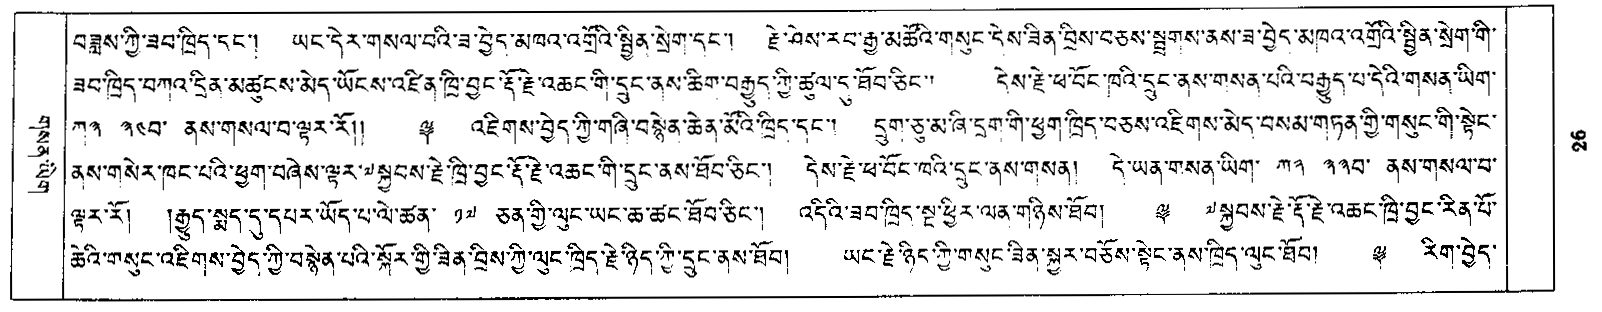བཟླས་ཀྱི་ཟབ་ཁྲིད་དང་། ཡང་དེར་གསལ་བའི་ཟ་བྱེད་མཁའ་འགྲོའི་སྦྱིན་སྲེག་དང་། རྗེ་ཤེས་རབ་རྒྱ་མཚོའི་གསུང་དེས་ཟིན་བྲིས་བཅས་སྦྲགས་ནས་ཟ་བྱེད་མཁའ་འགྲོའི་སྦྱིན་སྲེག་གི་
ཟབ་ཁྲིད་བཀའ་དྲིན་མཚུངས་མེད་ཡོངས་འཛིན་ཁྲི་བྱང་རྡོ་རྗེ་འཆང་གི་དྲུང་ནས་ཆིག་བརྒྱུད་ཀྱི་ཚུལ་དུ་ཐོབ་ཅིང་། དེས་རྗེ་ཕ་བོང་ཁའི་དྲུང་ནས་གསན་པའི་བརྒྱུད་པ་དེའི་གསན་ཡིག་
ཀ ༣ ༣༤་བ་ནས་གསལ་བ་ལྟར་རོ།། ༈ འཇིགས་བྱེད་ཀྱི་གཞི་བསྙེན་ཆེན་མོའི་ཁྲིད་དང་། དྲུག་ཅུ་མ་ཞི་དྲག་གི་ཕྱག་ཁྲིད་བཅས་འཇིགས་མེད་བསམ་གཏན་གྱི་གསུང་གི་སྟེང་
ནས་གསེར་ཁང་པའི་ཕྱག་བཞེས་ལྟར་༧་སྐྱབས་རྗེ་ཁྲི་བྱང་རྡོ་རྗེ་འཆང་གི་དྲུང་ནས་ཐོབ་ཅིང་། དེས་རྗེ་ཕ་བོང་ཁའི་དྲུང་ནས་གསན། དེ་ཡན་གསན་ཡིག་ཀ ༢ ༣༣་བ་ནས་གསལ་བ་
ལྟར་རོ། །རྒྱུད་སྨད་དུ་དཔར་ཡོད་པ་ལེ་ཚན ༡༧་ཅན་གྱི་ལུང་ཡང་ཆ་ཚང་ཐོབ་ཅིང་། འདིའི་ཟབ་ཁྲིད་སྔ་ཕྱིར་ལན་གཉིས་ཐོབ། ༈སྐྱབས་རྗེ་རྡོ་རྗེ་འཆང་ཁྲི་བྱང་རིན་པོ་
ཆེའི་གསུང་འཇིགས་བྱེད་ཀྱི་བསྙེན་པའི་སྐོར་གྱི་ཟིན་བྲིས་ཀྱི་ལུང་ཁྲིད་རྗེ་ཉིད་ཀྱི་དྲུང་ནས་ཐོབ། ཡང་རྗེ་ཉིད་ཀྱི་གསུང་ཟིན་སྐྱར་བཅོས་སྟེང་ནས་ཁྲིད་ལུང་ཐོབ། ༈ རིག་བྱེད་